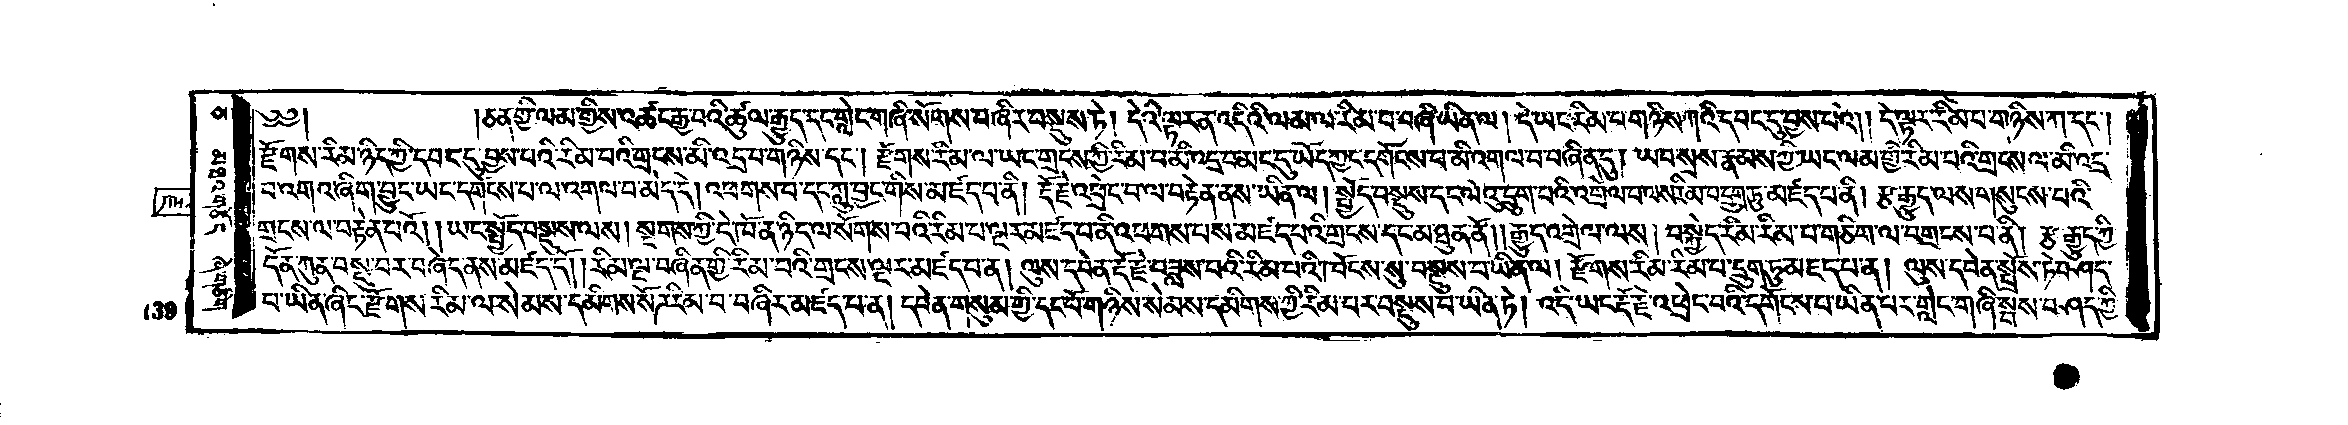༄༅། །ཅན་གྱི་ལམ་གྱིས་འཚང་རྒྱ་བའི་ཚུལ་རྒྱུད་དང་གླེང་གཞི་སོགས་བཞིར་བསྡུས་ཏེ། དེའི་ལྟར་ན་འདིའི་ལམ་ལ་རིམ་པ་བཞི་ཡིན་ལ། དེ་ཡང་རིམ་པ་གཉིས་ཀའི་དབང་དུ་བྱས་པའོ། །དེ་ལྟར་རིམ་པ་གཉིས་ཀ་དང་།
རྫོགས་རིམ་ཉིད་ཀྱི་དབང་དུ་བྱས་པའི་རིམ་པའི་གྲངས་མི་འདྲ་བ་གཉིས་དང་། རྫོགས་རིམ་ལ་ཡང་གྲངས་ཀྱི་རིམ་པ་མི་འདྲ་བ་མང་དུ་ཡོད་ཀྱང་དགོངས་པ་མི་འགལ་བ་བཞིན་དུ། ཡབ་སྲས་རྣམས་ཀྱི་ཡང་ལམ་གྱི་རིམ་པའི་གྲངས་ལ་མི་འདྲ་
བ་འགའ་ཞིག་བྱུང་ཡང་དགོངས་པ་ལ་འགལ་བ་མེད་དེ། འཕགས་པ་དང་ཀླུ་བྱང་གིས་མཛད་པ་ནི། རྡོ་རྗེ་འཕྲེང་བ་ལ་བརྟེན་ནས་ཡིན་ལ། སྤྱོད་བསྡུས་དང་ལེའུ་དྲུག་པའི་འགྲེལ་པ་ལས་རིམ་པ་དྲུག་ཏུ་མཛད་པ་ནི། རྩ་རྒྱུད་ལས་གསུངས་པའི་
གྲངས་ལ་བརྟེན་པའོ། །ཡང་སྤྱོད་བསྡུས་ལས། སྔགས་ཀྱི་དེ་ཁོ་ན་ཉིད་ལ་སོགས་པའི་རིམ་པ་ལྔར་མཛད་པ་ནི་འཕགས་པས་མཛད་པའི་གྲངས་དང་མཐུན་ནོ། །རྒྱུད་འགྲེལ་ལས། བསྐྱེད་རིམ་རིམ་པ་གཅིག་ལ་བགྲངས་པ་ནི། རྩ་རྒྱུད་ཀྱི་
དོན་ཀུན་བསྡུ་བར་བཞེད་ནས་མཛད་དོ། །རིམ་ལྔ་བཞིན་གྱི་རིམ་པའི་གྲངས་ལྔར་མཛད་པ་ན། ལུས་དབེན་རྡོ་རྗེ་བཟླས་པའི་རིམ་པའི་ཁོངས་སུ་བསྡུས་པ་ཡིན་ལ། རྫོགས་རིམ་རིམ་པ་དྲུག་ཏུ་མཛད་པ་ན། ལུས་དབེན་སྤྲོས་ཏེ་བཤད་
པ་ཡིན་ཞིང་རྫོགས་རིམ་ལ་སེམས་དམིགས་སོགས་རིམ་པ་བཞིར་མཛད་པ་ན། དབེན་གསུམ་གྱི་དང་པོ་གཉིས་སེམས་དམིགས་ཀྱི་རིམ་པར་བསྡུས་པ་ཡིན་ཏེ། འདི་ཡང་རྡོ་རྗེ་འཕྲེང་བའི་དགོངས་པ་ཡིན་པར་གླེང་གཞི་སྦས་བཤད་ཀྱི་